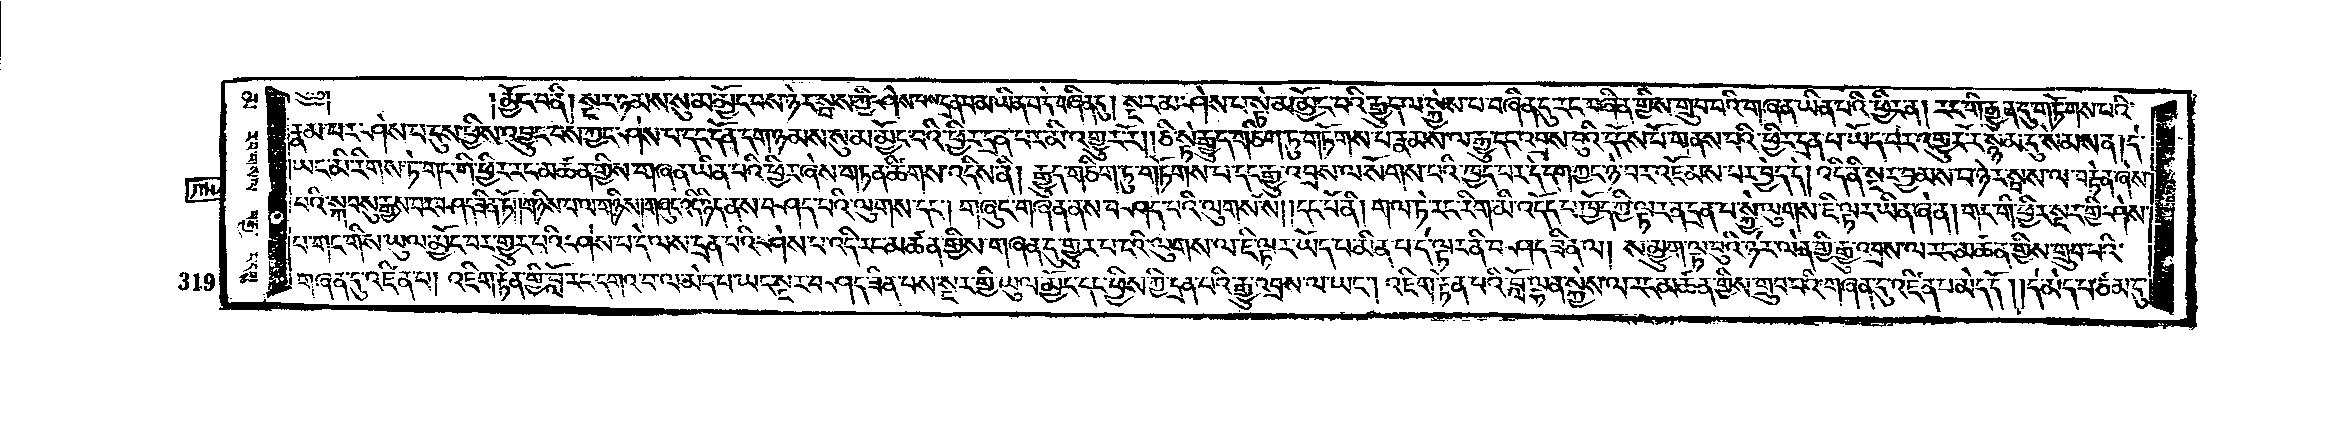༄༅། །མྱོང་བ་ནི། སྔར་ཉམས་སུ་མ་མྱོང་བས་ཉེར་སྦས་ཀྱི་ཤེས་པས་དྲན་པ་མ་ཡིན་པ་དེ་བཞིན་དུ། སྔར་མ་ཤེས་པ་སྟེ་མ་མྱོང་བའི་རྒྱུད་ལ་སྐྱེས་པ་བཞིན་དུ་རང་བཞིན་གྱིས་གྲུབ་པའི་གཞན་ཡིན་པའི་ཕྱིར་ན། རང་གི་རྒྱུད་དུ་གཏོགས་པའི་
རྣམ་པར་ཤེས་པ་དུས་ཕྱིས་འབྱུང་བས་ཀྱང་ཤེས་པ་དང་དོན་དག་ཉམས་སུ་མ་མྱོང་བའི་ཕྱིར་དྲན་པར་མི་འགྱུར་རོ། །ཅི་སྟེ་རྒྱུད་གཅིག་ཏུ་གཏོགས་པ་རྣམས་ལ་རྒྱུ་དང་འབྲས་བུའི་དངོས་པོ་གནས་པའི་ཕྱིར་དྲན་པ་ཡོད་པར་འགྱུར་རོ་སྙམ་དུ་སེམས་ན། དེ་
ཡང་མི་རིགས་ཏེ་གང་གི་ཕྱིར་རང་མཚན་གྱིས་གཞན་ཡིན་པའི་ཕྱིར་ཞེས་གཏན་ཚིགས་འདིས་ནི། རྒྱུད་གཅིག་ཏུ་གཏོགས་པ་དང་རྒྱུ་འབྲས་ལ་སོགས་པའི་ཁྱད་པར་དེ་དག་ཀྱང་ཉེ་བར་འཇོམས་པར་བྱེད་དེ། འདི་ནི་སྔར་བྱམས་པ་ཉེར་སྦས་ལ་བརྟེན་ཞེས་
པའི་སྐབས་སུ་རྒྱས་པར་བཤད་ཟིན་ཏོ། །གཉིས་པ་ལ་གཉིས། གཞུང་འདི་ཉིད་ནས་བཤད་པའི་ལུགས་དང་། གཞུང་གཞན་ནས་བཤད་པའི་ལུགས་སོ། །དང་པོ་ནི། གལ་ཏེ་རང་རིག་མི་འདོད་པ་ཁྱོད་ཀྱི་ལྟར་ན་དྲན་པ་སྐྱེ་ལུགས་ཇི་ལྟར་ཡིན་ཞེ་ན། གང་གི་ཕྱིར་སྔར་གྱི་ཤེས་
པ་གང་གིས་ཡུལ་མྱོང་བར་གྱུར་པའི་ཤེས་པ་དེ་ལས་དྲན་པའི་ཤེས་པ་འདི་རང་མཚན་གྱིས་གཞན་དུ་གྱུར་པ་དའི་ལུགས་ལ་ཇི་ལྟར་ཡོད་པ་མིན་པ་དེ་ལྟར་ནི་བཤད་ཟིན་ལ། ས་མྱུག་ལྟ་བུའི་ཉེར་ལེན་གྱི་རྒྱུ་འབྲས་ལ་རང་མཚན་གྱིས་གྲུབ་པའི་
གཞན་དུ་འཛིན་པ། འཇིག་རྟེན་གྱི་བློ་རང་དགའ་བ་ལ་མེད་པ་ཡང་སྔར་བཤད་ཟིན་པས་སྔར་གྱི་ཡུལ་མྱོང་དང་ཕྱིས་ཀྱི་དྲན་པའི་རྒྱུ་འབྲས་ལ་ཡང་། འཇིག་རྟེན་པའི་བློ་ལྷན་སྐྱེས་ལ་རང་མཚན་གྱིས་གྲུབ་པའི་གཞན་དུ་འཛིན་པ་མེད་དོ། །དེ་མེད་པ་ཙམ་དུ་